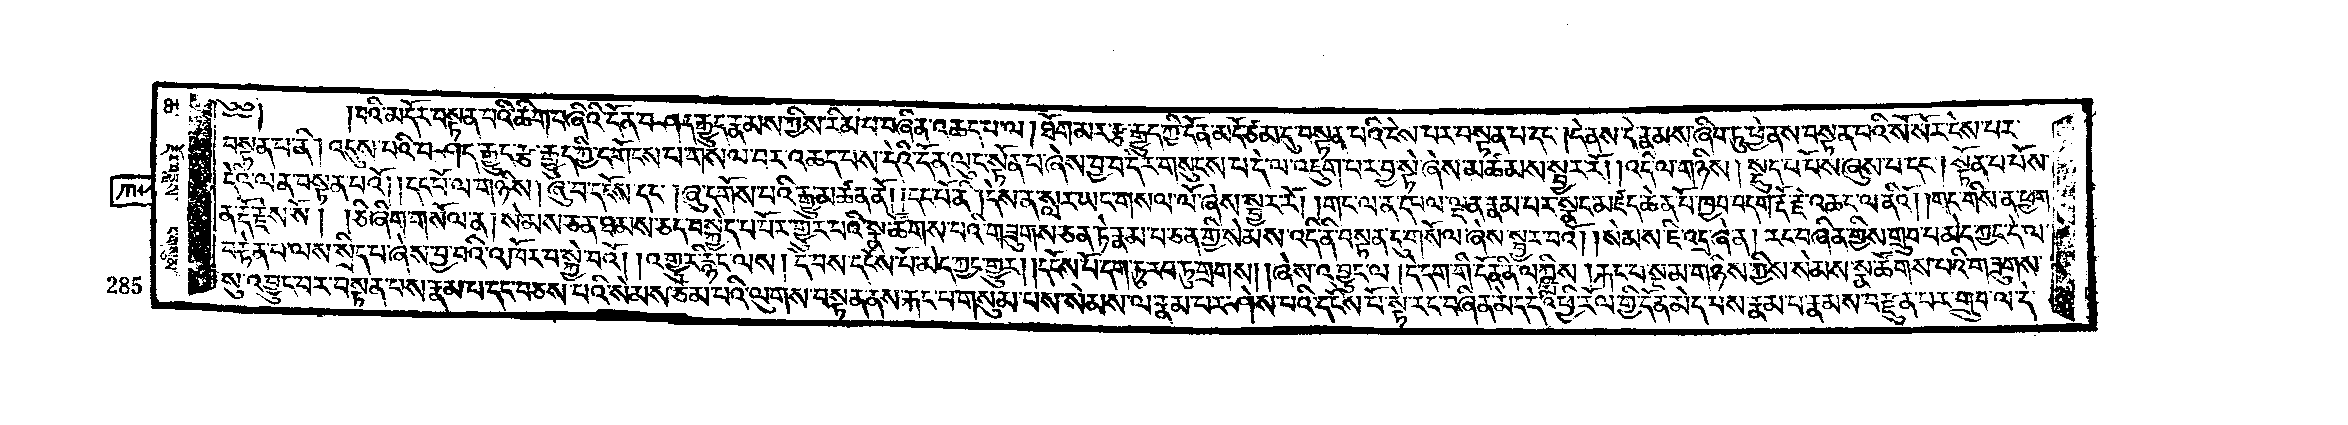༄༅། །བའི་མདོར་བསྟན་པའི་ཚིག་བཞིའི་དོན་བཤད་རྒྱུད་རྣམས་ཀྱིས་རིམ་པ་བཞིན་འཆད་པ་ལ། ཐོག་མར་རྩ་རྒྱུད་ཀྱི་དོན་མདོ་ཙམ་དུ་བསྟན་པའི་ངེས་པར་བསྟན་པ་དང་། དེ་ནས་དེ་རྣམས་ཞིབ་ཏུ་ཕྱེ་ནས་བསྟན་པའི་སོ་སོར་ངེས་པར་
བསྟན་པ་ནི། འདུས་པའི་བཤད་རྒྱུད་རྩ་རྒྱུད་ཀྱི་དགོངས་པ་གསལ་བར་འཆད་པས་དེའི་དོན་ལུང་སྟོན་པ་ཞེས་བྱ་བ་དེར་གསུངས་པ་དེ་ལ་འཇུག་པར་བྱ་སྟེ་ཞེས་མཚམས་སྦྱར་རོ། །འདི་ལ་གཉིས། སྡུད་པ་པོས་ཞུས་པ་དང་། སྟོན་པ་པོས་
དེའི་ལན་བསྟན་པའོ། །དང་པོ་ལ་གཉིས། ཞུ་བ་དངོས་དང་། ཞུ་དགོས་པའི་རྒྱུ་མཚན་ནོ། །དང་པོ་ནི། དེས་ན་སླར་ཡང་གསལ་ལོ་ཞེས་སྦྱར་རོ། །གང་ལ་ན་དཔལ་ལྡན་རྣམ་པར་སྣང་མཛད་ཆེན་པོ་ཁྱབ་བདག་རྡོ་རྗེ་འཆང་ལ་ནིའོ། །གང་གིས་ན་ཕྱག་
ན་རྡོ་རྗེས་སོ། །ཅི་ཞིག་གསོལ་ན། སེམས་ཅན་ཐམས་ཅད་བསྐྱེད་པ་པོར་གྱུར་པའི་སྣ་ཚོགས་པའི་གཟུགས་ཅན་ཏེ་རྣམ་པ་ཅན་གྱི་སེམས་འདི་ནི་བསྟན་དུ་གསོལ་ཞེས་སྦྱར་བའོ། །སེམས་ཇི་འདྲ་ཞེ་ན། རང་བཞིན་གྱིས་གྲུབ་པ་མེད་ཀྱང་དེ་ལ་
བརྟེན་པ་ལས་སྲིད་པ་ཞེས་བྱ་བའི་འཁོར་བ་སྐྱེ་བའོ། །འགྱུར་རྙིང་ལས། དེ་བས་དངོས་པོ་མེད་ཀྱང་གྱུར། །དངོས་པོ་དག་ཏུ་རབ་ཏུ་གྲགས། །ཞེས་འབྱུང་ལ། དེ་དག་གི་དོན་ནི་ལཀྵྨཱིས། རྐང་པ་སྔ་མ་གཉིས་ཀྱིས་སེམས་སྣ་ཚོགས་པའི་གཟུགས་
སུ་འབྱུང་བར་བསྟན་པས་རྣམ་པ་དང་བཅས་པའི་སེམས་ཙམ་པའི་ལུགས་བསྟན་ནས་རྐང་པ་གསུམ་པས་སེམས་ལ་རྣམ་པར་ཤེས་པའི་དངོས་པོ་སྟེ་རང་བཞིན་མེད་དེ་ཕྱི་རོལ་གྱི་དོན་མེད་པས་རྣམ་པ་རྣམས་བརྫུན་པར་གྲུབ་ལ་དེ་